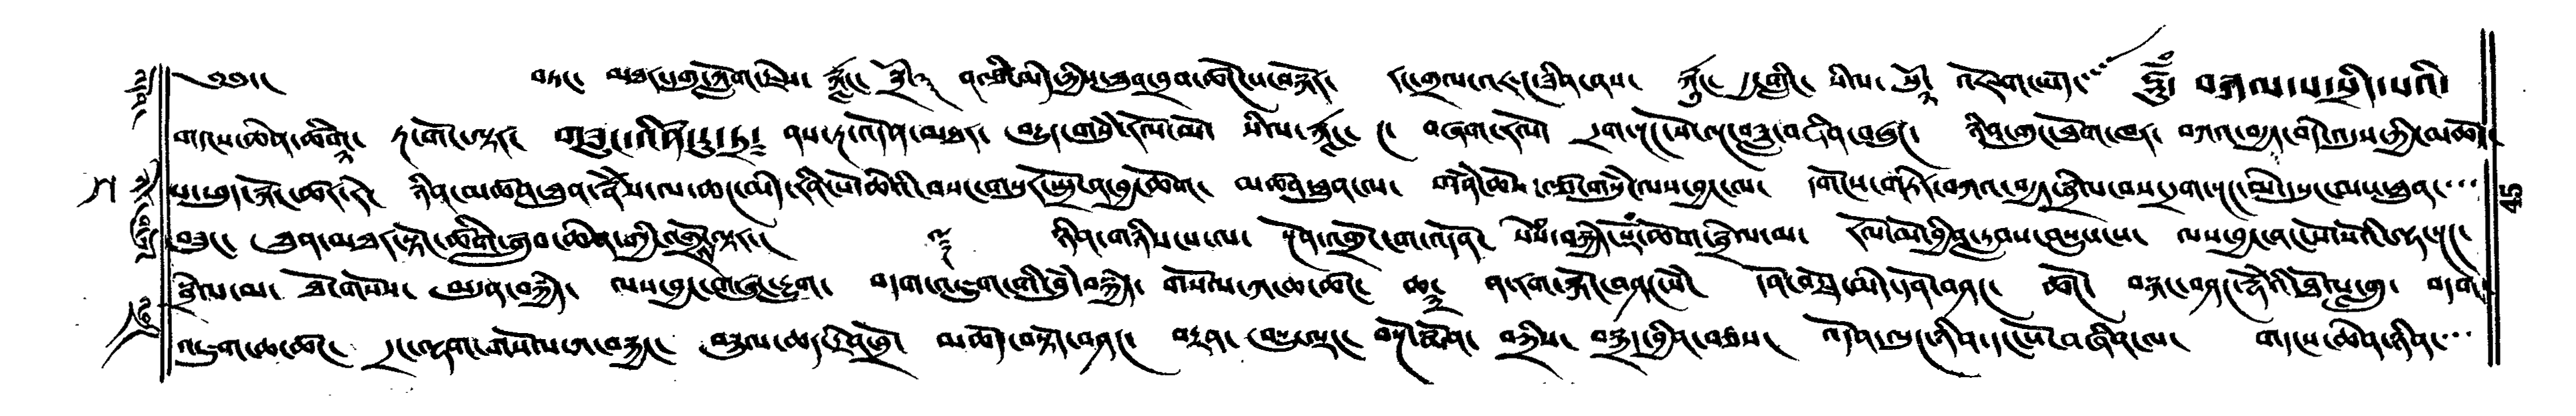བཏང་། མཐར་དགུ་ཟློག་རྗེས། རྐང་བཞི། སྦྲམ། རྩེ་མེད་ཀྱིས་ཐུན་བྲབ་ཚོགས་པ་བསྐོར། རང་གྲལ་འཇགས་ཟིན་ནས། རྐང་གཅིག རྒྱ་གླིང་། སིལ། སུམ་གཉིས། འཇོག་ཡོད། ཧཱུྃཿ བསྐལ་པ་སྲིད་པའི་
གདངས་ཆེན་ཚིག་གཉིས། རྔ་གོང་ལྟར། གཟུང་འཛིན་རུ་ཏྲ༴ ནས་རྔ་འདོན་མཐར། བརྒྱུད་གསུམ་རོལ་མོ། སིལ། རྐང་བཞི། ཌཱ། བཞག་རོལ། དྲག་སྔགས་སོ་ལྔ་ཟློ་བཞིན་བཞུགས། ཉིན་གུང་ཐོག་ཁར། བཀའ་བརྒྱད་བདེ་འདུས་ཀྱིས་མཆོད་
པ་ཕུད་སྐོང་ཚར་རེ། ཉིན་མཚན་ཐུན་རྣམས་ལ་ཆགས་མེད་རིན་པོ་ཆེའི་བསང་གསུར་སྤྲོ་ན་བྱ་ཆོག མཚན་ཐུན་ལ། གནམ་ཆོས་རྩ་གསུམ་ལས་བྱང་ལ། དགོངས་གཏེར་བཀའ་བརྒྱད་སྦྲེལ་བས་དྲག་སྔགས་མེ་དཔུང་མས་ཐུན་
གཟུང་། ཐུན་མཐར་སྟོང་ཚིག་སྒྲུབ་ཆེན་གྱི་འགྲོས་ལྟར། ༈ ཉིན་གཉིས་པ་ལ། སྔོན་འགྲོ་ངག་འདོན། སེམས་བསྐྱེད་སྡོམ་ཆོག་སྦྲེལ་མ། རོལ་མོ་བྱིན་རླབས་བསྡུས་པ། ལས་བྱང་ནང་སོ་སོའི་ལྷ་སྔགས་
སྦྲེལ་མ། ཐོ་གསོ། མདུན་བསྐྱེད། ལས་བྱང་གཞུང་རྒྱུག བདག་འཇུག་གི་བུམ་སྐྱེད། གསོལ་ཀ་ཆ་ཚང་། ཆ་གསུམ། ན་རག་སྐོང་བཤགས་སམ། བརྗོད་མེ་དོན་བཤགས། ཚོགས། སྐོང་བཤགས་རྡོ་རྗེའི་ཐོལ་གླུ། བདག་
འཇུག་ཆ་ཚང་། དྲང་ལྷག་གསོལ་ཀ་བསྐྱང་།སྐུལ་ཆད་བརྟན་བྲོ། མཆོད་བསྟོད། ནོངས་བཤགས། བརྟན་བཞུགས། བསྡུ་ལྡང་། བསྔོ་སྨོན། བཀྲ་ཤིས། སྐྲད་བྱིན་བཅས། འདོན་ལུགས་ཉིན་དང་པོ་བཞིན་ལ། གདངས་ཆེན་ཉིན་